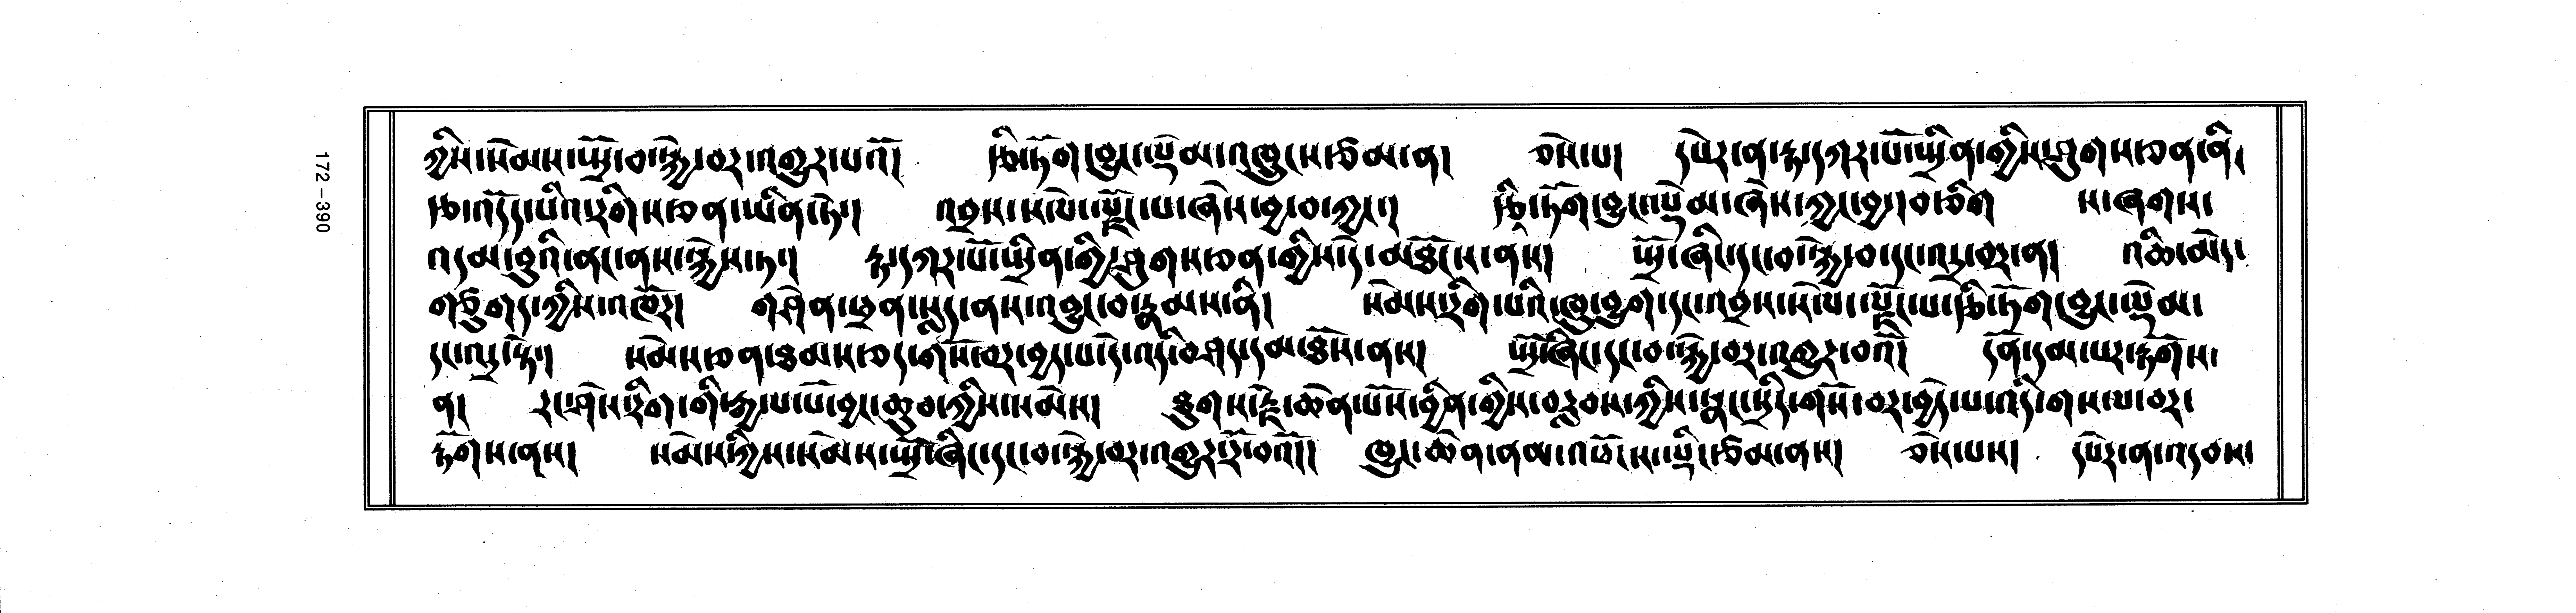ཀྱིས་སེམས་སྤྲོ་བ་སྐྱེ་བར་འགྱུར་པའོ། རྩི་ཏོག་བྱུང་ལྡེམ་འཁྲུངས་ཙམ་ན། ཅེས་པ། དཔེར་ན་རྟ་དཀར་པོ་སྤྲིན་གྱིས་ཤུགས་ཅན་ནི། 
རྩ་འདོད་པའི་རིགས་ཅན་ཡིན་ཏེ། འབྲས་ས་ལེ་ལྗོང་པ་ཞེས་བྱ་བ་ཀྱང་། རྩི་ཏོག་བྱུང་ལྡེམ་ཞེས་ཀྱང་བྱ་བ་ཅིག ས་ཞགས་
འདམ་བུའི་ནང་ནས་སྐྱེས་ཏེ། རྟ་དཀར་པོ་སྤྲིན་གྱི་ཤུགས་ཅན་གྱིས་དེ་མཐོངས་ནས། སྤྲི་ཞིང་དྭངས་བ་སྐྱེ་བ་དང་འདྲ་བར་ན། འཆི་མེད་
གཙུག་ཕུད་ཀྱིས་འཁོར། གཤེན་ཕྲན་སླད་ནས་འབྱུང་བ་རྣམས་ནི། སེམས་རིག་པའི་ཁུ་བྱུག་དང་འབྲས་ས་ལེ་ལྗོང་པ་རྩི་ཏོག་བྱུང་ལྡེམ་
དང་འདྲ་སྟེ། སེམས་ཅན་ཐམས་ཅད་གསོ་བར་བྱེད་པ་དེ་འདི་བཤད་དམ་ཐོས་ནས། སྤྲོ་ཞིང་དྭངས་བ་སྐྱེ་བར་འགྱུར་བའོ། དོན་དམ་པར་རྟོགས་
ན། རང་ཤེས་རིག་གི་རྒྱལ་པོ་བྱང་ཆུབ་ཀྱིས་སེམས། ཐུགས་རྗེ་ཆེན་པོས་བྱིན་གྱིས་བརླབས་ཀྱིས་སྣང་སྲིད་གསོ་བར་བྱེད་པ་འདི་གསལ་བར་
རྟོགས་ནས། སེམས་ཀྱིས་སེམས་སྤྲོ་ཞིང་དྭངས་བ་སྐྱེ་བར་འགྱུར་བའོ། ཁྱུང་ཆེན་ནམ་འཕོངས་ལྡིང་ཙམ་ནས། ཅེས་པས། དཔེར་ན་འདབས་